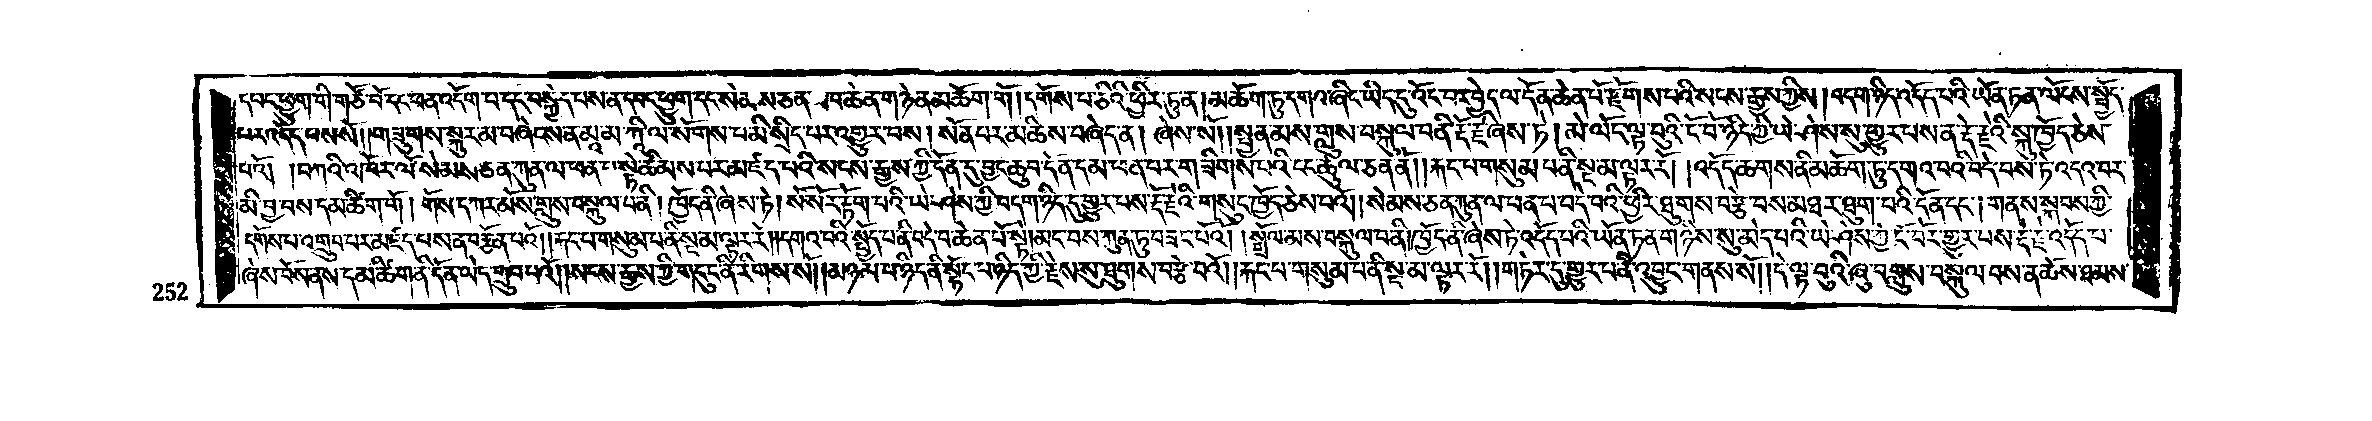དབང་ཕྱུག་གི་གཙོ་བོ་དང་ཕན་འདོག་པ་དང་བསྐྱེད་པས་ན་དབང་ཕྱུག་དང་སེམས་ཅན་ཡབ་ཆེན་གཉེན་མཆོག་གོ །དགོས་པ་ཅིའི་ཕྱིར་ཏུ་ན། མཆོག་ཏུ་དགའ་ཞིང་ཡིད་དུ་འོང་བར་བྱེད་ལ་དོན་ཆེན་པོ་རྫོགས་པའི་སངས་རྒྱས་ཀྱིས། བདག་ཉིད་འདོད་པའི་ཡོན་ཏན་ལོངས་སྤྱོད་
པར་འདོད་པས་སོ། །གཟུགས་སྐུར་མ་བཞེངས་ན་མཱ་མ་ཀཱི་ལ་སོགས་པ་མི་སྲིད་པར་འགྱུར་བས། སོན་པར་མཆིས་བཞེད་ན། ཞེས་སོ། །སྤྱན་མས་གླུས་བསྐུལ་བ་ནི་རྡོ་རྗེ་ཞེས་ཏེ། མེ་ལོང་ལྟ་བུའི་ངོ་བོ་ཉིད་ཀྱི་ཡེ་ཤེས་སུ་གྱུར་པས་ན་རྡོ་རྗེའི་སྐུ་ཁྱོད་ཅེས་
པའོ། །བཀའི་འཁོར་ལོ་སེམས་ཅན་ཀུན་ལ་ཕན་པ་སྟེ་ཚིམས་པར་མཛད་པའི་སངས་རྒྱས་ཀྱི་དོན་དུ་བྱང་ཆུབ་དོན་དམ་ཕན་པར་གཟིགས་པའི་ངང་ཚུལ་ཅན་ནོ། །རྐང་པ་གསུམ་པ་ནི་སྔ་མ་ལྟར་རོ། །འདོད་ཆགས་ནི་མཆོག་ཏུ་དགའ་བའི་བདེ་བས་ཏེ་འདའ་བར་
མི་བྱ་བས་དམ་ཚིག་གོ །གོས་དཀར་མོས་གླུས་བསྐུལ་བ་ནི། ཁྱོད་ནི་ཞེས་ཏེ། སོ་སོར་རྟོག་པའི་ཡེ་ཤེས་ཀྱི་བདག་ཉིད་དུ་གྱུར་པས་རྡོ་རྗེའི་གསུང་ཁྱོད་ཅེས་པའོ། །སེམས་ཅན་ཀུན་ལ་ཕན་པ་བདེ་བའི་ཕྱིར་ཐུགས་བརྩེ་བས་མཐར་ཐུག་པའི་དོན་དང་། གནས་སྐབས་ཀྱི་
དགོས་པ་འགྲུབ་པར་མཛད་པས་ན་བརྩོན་པའོ། །རྐང་པ་གསུམ་པ་ནི་སྔ་མ་ལྟར་རོ། །དགའ་བའི་སྤྱོད་པ་ནི་བདེ་བ་ཆེན་པོ་སྟེ། མང་བས་ཀུན་ཏུ་བཟང་པོའི། །སྒྲོལ་མས་བསྐུལ་བ་ནི། ཁྱོད་ནི་ཞེས་ཏེ་འདོད་པའི་ཡོན་ཏན་གཉིས་སུ་མེད་པའི་ཡེ་ཤེས་ཀྱི་ངོ་བོར་གྱུར་པས་རྡོ་རྗེ་འདོད་པ་
ཞེས་བོས་ནས་དམ་ཚིག་ནི་དོན་ཡེད་གྲུབ་པའོ། །སངས་རྒྱས་ཀྱི་གདུང་ནི་རིགས་སོ། །མཉམ་པ་ཉིད་ནི་སྟོང་པ་ཉིད་ཀྱི་རྗེས་སུ་ཐུགས་བརྩེ་བའོ། །རྐང་པ་གསུམ་པ་ནི་སྔ་མ་ལྟར་རོ། །གཏེར་དུ་གྱུར་པ་ནི་འབྱུང་གནས་སོ། །དེ་ལྟ་བུའི་ཞུ་བ་གླུས་བསྐུལ་བས་ན་ཆོས་ཐམས་